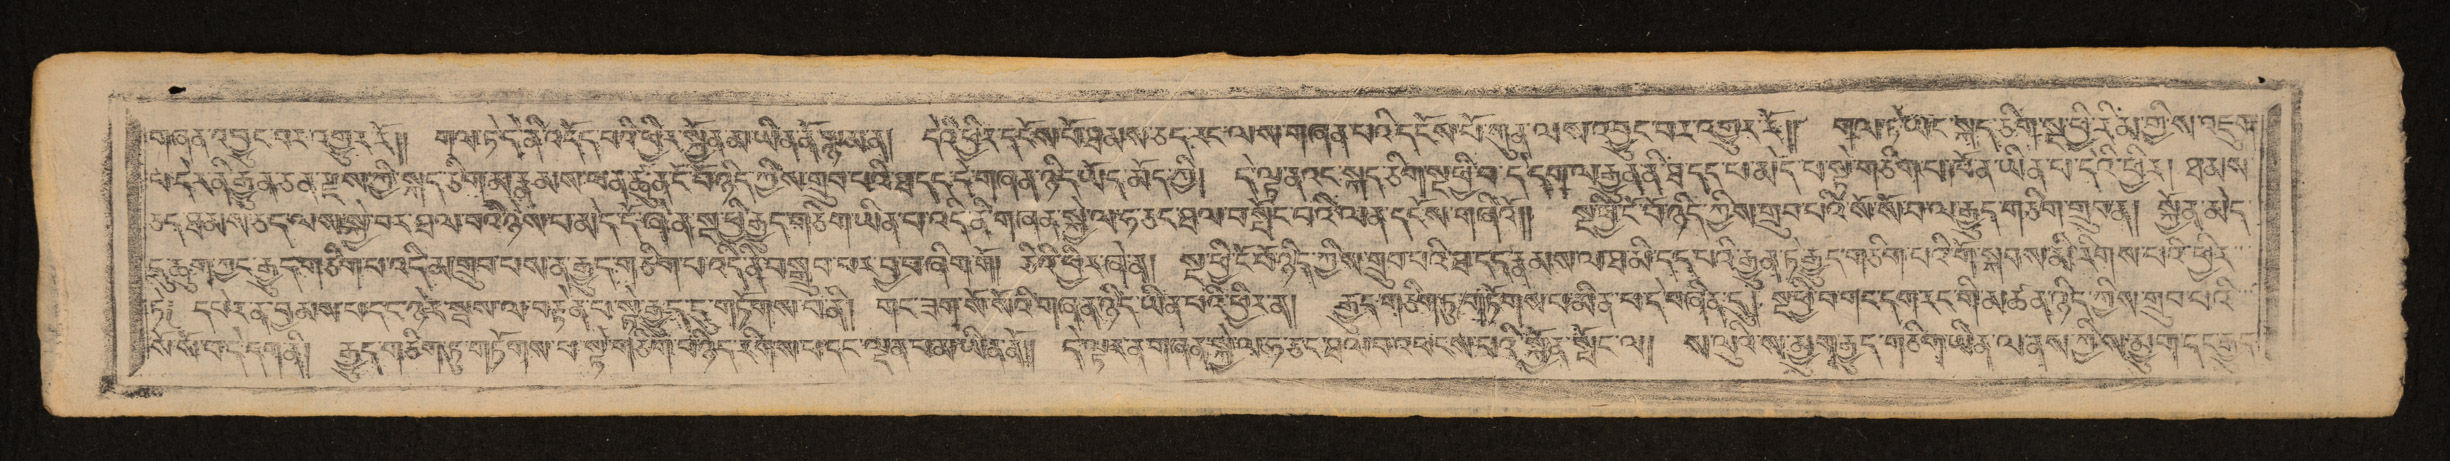གཞན་འབྱུང་བར་འགྱུར་རོ།། གལ་ཏེ་དེ་ནི་འདོད་པའི་ཕྱིར་སྐྱོན་མ་ཡིན་ནོ་སྙམ་ན། དེའི་ཕྱིར་དངོས་པོ་ཐམས་ཅད་རང་ལས་གཞན་པའི་དངོས་པོ་ཀུན་ལས་འབྱུང་བར་འགྱུར་རོ།། གལ་ཏེ་ཡང་སྐད་ཅིག་སྔ་ཕྱི་རིམ་གྱིས་འཇུག་
པ་དེར་ནི་རྒྱུན་ཅན་རྫས་ཀྱི་སྐད་ཅིག་མ་རྣམས་ཕན་ཚུན་ངོ་བོ་ཉིད་ཀྱིས་གྲུབ་པའི་ཐ་དད་དེ་གཞན་ཉིད་ཡོད་མོད་ཀྱི། དེ་ལྟ་ནའང་སྐད་ཅིག་སྔ་ཕྱི་བ་དེ་དག་ལ་རྒྱུན་ནི་ཐ་དད་པ་མེད་པ་སྟེ་གཅིག་པ་ཁོ་ན་ཡིན་པ་དེའི་ཕྱིར། ཐམས་
ཅད་ཐམས་ཅད་ལས་སྐྱེ་བར་ཐལ་བའི་ཉེས་པ་མེད་དོ་ཞེ་ན་སྔ་ཕྱི་རྒྱུད་གཅིག་ཡིན་པ་འདི་ནི་གཞན་སྐྱེ་ལ་ཧ་ཅང་ཐལ་བ་སྤོང་བའི་ལན་དངོས་གཞིའོ།། སྔ་ཕྱི་ངོ་བོ་ཉིད་ཀྱིས་གྲུབ་པའི་སོ་སོ་བ་ལ་རྒྱུད་གཅིག་གྲུབ་ན། སྐྱོན་མེད་
དུ་ཆུག་ཀྱང་རྒྱུད་གཅིག་པ་འདི་མ་གྲུབ་པས་ན་རྒྱུད་གཅིག་པ་འདི་ནི་བསྒྲུབ་པར་བྱ་བ་ཞིག་གོ། ཅིའི་ཕྱིར་ཞེ་ན། སྔ་ཕྱི་ངོ་བོ་ཉིད་ཀྱིས་གྲུབ་པའི་ཐ་དད་རྣམས་ལ་ཐ་མི་དད་པའི་རྒྱུན་ཏེ་རྒྱུད་གཅིག་པའི་གོ་སྐབས་མི་རིགས་པའི་ཕྱིར་
ཏེ༑ དཔེར་ན་བྱམས་པ་དང་ཉེར་སྦས་ལ་བརྟེན་པ་སྟེ་རྒྱུད་དུ་གཏོགས་པ་ནི། གང་ཟག་སོ་སོའི་གཞན་ཉིད་ཡིན་པའི་ཕྱིར་ན། རྒྱུད་གཅིག་ཏུ་གཏོགས་པ་མིན་པ་དེ་བཞིན་དུ། སྔ་ཕྱི་བ་གང་དག་རང་གི་མཚན་ཉིད་ཀྱིས་གྲུབ་པའི་
སོ་སོ་བ་དེ་དག་ནི། རྒྱུད་གཅིག་ཏུ་གཏོགས་པ་སྟེ་གཅིག་པ་ཉིད་རིགས་པ་དང་ལྡན་པ་མ་ཡིན་ནོ།། དེ་ལྟར་ན་གཞན་སྐྱེ་ལ་ཧ་ཅང་ཐལ་བ་འཕངས་པའི་སྐྱོན་སྤོང་ལ། ས་ལུའི་ས་མྱུག་རྒྱུད་གཅིག་ཡིན་ལ་ནས་ཀྱི་ས་མྱུག་དང་རྒྱུད་